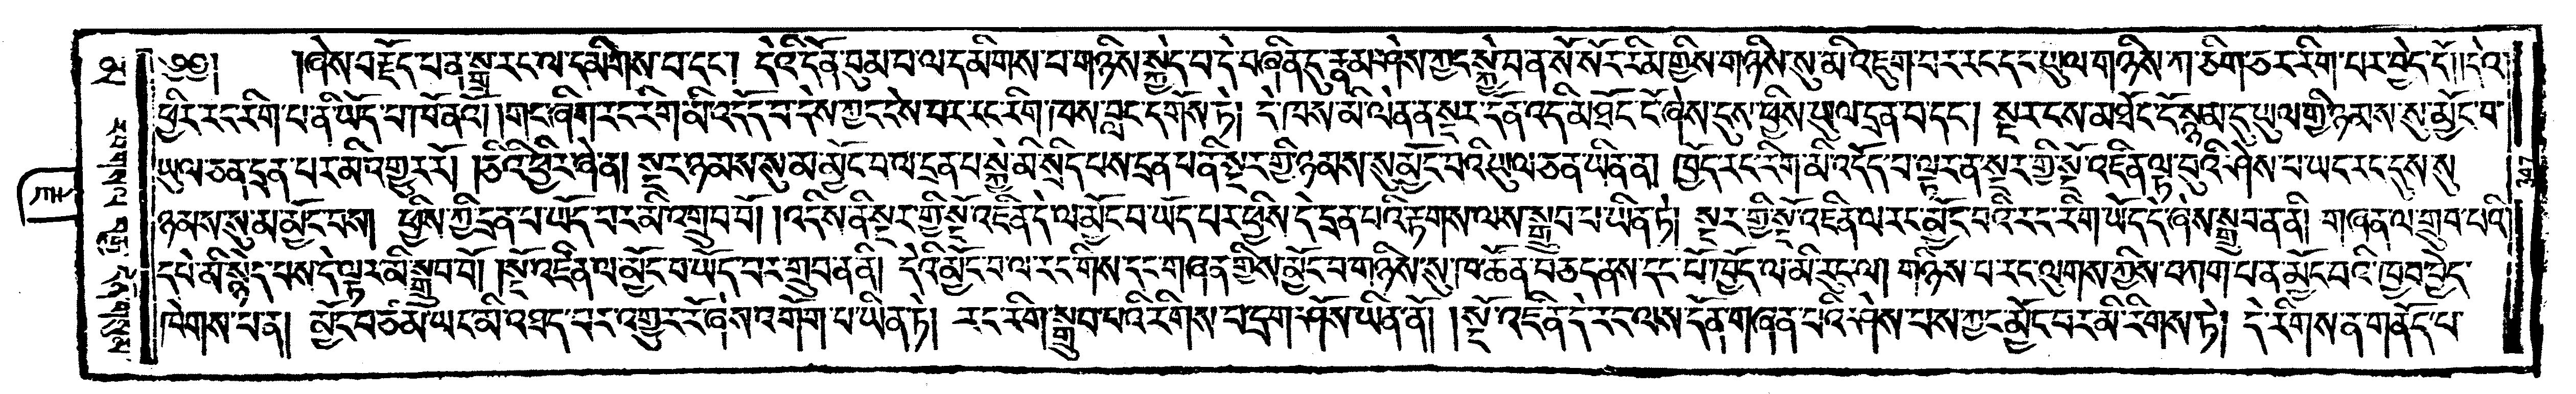༄༅། །ཞེས་བརྗོད་ན་སྒྲ་རང་ལ་དམིགས་པ་དང་། དེའི་དོན་བུམ་པ་ལ་དམིགས་པ་གཉིས་སྐྱེད་པ་དེ་བཞིན་དུ་རྣམ་ཤེས་ཀྱང་སྐྱེ་བ་ན་སོ་སོར་རིམ་གྱིས་གཉིས་སུ་མི་འཇུག་པར་རང་དང་ཡུལ་གཉིས་ཀ་ཅིག་ཅར་རིག་པར་བྱེད་དོ། །དེའི་
ཕྱིར་རང་རིག་པ་ནི་ཡོད་པ་ཁོ་ནའོ། །གང་ཞིག་རང་རིག་མི་འདོད་པ་དེས་ཀྱང་ངེས་པར་རང་རིག་ཁས་བླང་དགོས་ཏེ། དེ་ཁས་མི་ལེན་ན་སྔར་དོན་འདི་མཐོང་ངོ་ཞེས་དུས་ཕྱིས་ཡུལ་དྲན་པ་དང་། སྔར་ངས་མཐོང་ངོ་སྙམ་དུ་ཡུལ་གྱི་ཉམས་སུ་མྱོང་བ་
ཡུལ་ཅན་དྲན་པར་མི་འགྱུར་རོ། །ཅིའི་ཕྱིར་ཞེ་ན། སྔར་ཉམས་སུ་མ་མྱོང་བ་ལ་དྲན་པ་སྐྱེ་མི་སྲིད་པས་དྲན་པ་ནི་སྔར་གྱི་ཉམས་སུ་མྱོང་བའི་ཡུལ་ཅན་ཡིན་ན། ཁྱོད་རང་རིག་མི་འདོད་པ་ལྟར་ན་སྔར་གྱི་སྔོ་འཛིན་ལྟ་བུའི་ཤེས་པ་ཡང་རང་དུས་སུ་
ཉམས་སུ་མ་མྱོང་བས། ཕྱིས་ཀྱི་དྲན་པ་ཡོད་པར་མི་འགྲུབ་བོ། །འདིས་ནི་སྔར་གྱི་སྔོ་འཛིན་དེ་ལ་མྱོང་བ་ཡོད་པར་ཕྱིས་དེ་དྲན་པའི་རྟགས་ལས་སྒྲུབ་པ་ཡིན་ཏེ། སྔར་གྱི་སྔོ་འཛིན་ལ་རང་མྱོང་བའི་རང་རིག་ཡོད་དེ་ཞེས་སྒྲུབ་ན་ནི། གཞན་ལ་གྲུབ་པའི་
དཔེ་མི་སྙེད་པས་དེ་ལྟར་མི་སྒྲུབ་བོ། །སྔོ་འཛིན་ལ་མྱོང་བ་ཡོད་པར་གྲུབ་ན་ནི། དེའི་མྱོང་བ་ལ་རང་གིས་དང་གཞན་གྱིས་མྱོང་བ་གཉིས་སུ་ཁ་ཚོན་བཅད་ནས་དང་པོ་ཁྱོད་ལ་མི་རུང་ལ། གཉིས་པ་རང་ལུགས་ཀྱིས་བཀག་པ་ན་མྱོང་བའི་ཁྱབ་བྱེད་
ཁེགས་པ་ན། མྱོང་བ་ཙམ་ཡང་མི་འཐད་པར་འགྱུར་རོ་ཞེས་འགོག་པ་ཡིན་ཏེ། རང་རིག་སྒྲུབ་པའི་རིགས་པ་དྲག་ཤོས་ཡིན་ནོ། །སྔོ་འཛིན་དེ་རང་ལས་དོན་གཞན་པའི་ཤེས་པས་ཀྱང་མྱོང་བར་མི་རིགས་ཏེ། དེ་རིགས་ན་གནོད་པ་